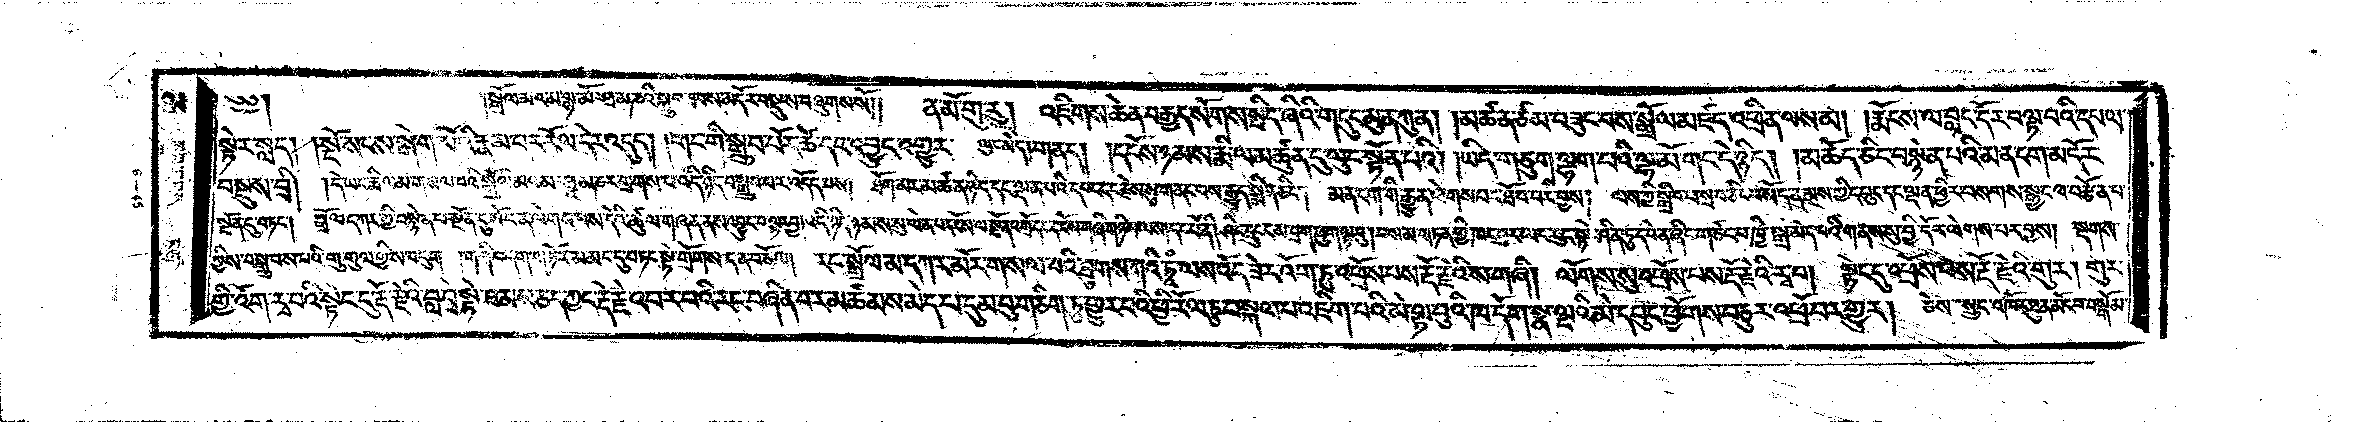༄༅། །སྒྲོལ་མའམ་ལྷ་མོ་ཤྲམ་ཎའི་སྒྲུབ་ཐབས་མདོར་བསྡུས་བཞུགས་སོ།།  ན་མོ་གུ་རུ། ལུང་མེད།  འཇིགས་ཆེན་བརྒྱད་སོགས་སྲིད་ཞིའི་གདུང་མུན་ཀུན། །མཚན་ཙམ་བཟུང་བས་སྒྲོལ་མཛད་འཕྲིན་ལས་མ། །རྨོངས་ལ་བླང་དོར་བལྟ་བའི་དཔལ་
སྟེར་སླད། །སྔོ་སངས་སྒེག་མོའི་རྣམ་པར་རོལ་དེར་འདུད། །གང་གི་སྒྲུབ་པོར་ཚེ་དང་འབྱུང་འགྱུར་གནད། །དངོས་ཉམས་རྨི་ལམ་ཚུན་དུ་ལུང་སྟོན་པའི། །ཡིད་གཅུག་ལྷག་པའི་ལྷ་མོ་གང་དེ་ཉིད། །མཆོད་ཅིང་བསྙེན་པའི་མན་ངག་མདོར་
བསྡུས་བྲི། །དེ་ཡང་རྨི་ལམ་གསལ་བའི་སྒྲོལ་མའམ་ཤྲཱ་མྞར་གྲགས་པ་འདི་ཉིད་བསྒྲུབ་པར་འདོད་པས། ཐོག་མར་མཚན་ཉིད་དང་ལྡན་པའི་དབང་དང་རྗེས་སུ་གནང་བས་རྒྱུད་སྨིན་ཅིང་། མན་ངག་གི་རྒྱུན་ཐེགས་པར་ཐོབ་པར་བྱས། ཐས་ཀྱི་སྒྲིབ་བ་སྲ་བ་ཅིང་བསོད་ནམས་ཀྱི་དབུང་དང་ལྡན་ཕྱིར་བསགས་སྒྱང་ལ་བརྩོན་པ་
སྔོན་དུ་བཏང་། སྒྲོལ་དཀར་གྱི་བསྙེན་པ་སྔོན་དུ་སོང་ན་ལེགས་པས་དེའི་ཚུལ་གཞན་ནས་འབྱུང་བ་ལྟར་བྱ། འདི་ཉིད་ཉམས་སུ་ལེན་པ་དངོས་ལ་སྔོན་འགྲོ་དང་དངོས་གཞི་གཉིས་ལས། དང་པོ་ནི། ཤིང་དྲུང་ངམ་བྲག་ཕུག་ལྟ་བུ། བསམ་གཏན་གྱི་ཁང་བུར་ཡང་རུང་སྟེ་ཤིན་ཏུ་དཔེན་ཞིང་གཙང་འཁྱི་སྒྲ་མེད་པའི་གནས་སུ་བྱི་དོར་ཕེགས་པར་བྱས། སྔགས་
ཀྱིས་བསྒྲུབས་པའི་གུ་གུལ་གྱིས་བདུག །གཞི་བདག་གཏོར་མ་མང་དུ་བཏང་སྟེ་གྲོགས་དན་བཅོལ།  རང་སྒྲོལ་མ་དཀར་མོར་གསལ་བའི་ཐུགས་ཀའི་ཏཱཾ་ལས་འོད་ཟེར་འོག་ཏུ་འཕྲོས་པས་རྡོ་རྗེའི་ས་གཞི། ལོགས་སུ་འཕྲོས་པས་རྡོ་རྗེའི་རྭ་བ། སྟེང་དུ་འཕྲོས་པས་རྡོ་རྗེའི་གུར། གུར་
གྱི་འོག་རྭ་བའི་སྟེང་དུ་རྡོ་རྗེའི་བླ་བྲེ་སྟེ་ཐམས་ཅད་ཀྱང་རྡོ་རྗེ་འབར་བའི་རང་བཞིན་བར་མཚམས་མེད་པ་དུམ་བུ་གཅིག་ཏུ་གྱུར་པའི་ཕྱི་རོལ་ཏུ་བསྐལ་པ་འཇིག་པའི་མེ་ལྟ་བུའི་ཁ་དོག་སྣ་ལྔའི་མེད་དཔུང་ཕྱོགས་བཅུར་འཕྲོ་བར་གྱུར། ཅེས་སྲུང་འཁོར་ཐུན་མོང་བ་བསྒོམ་